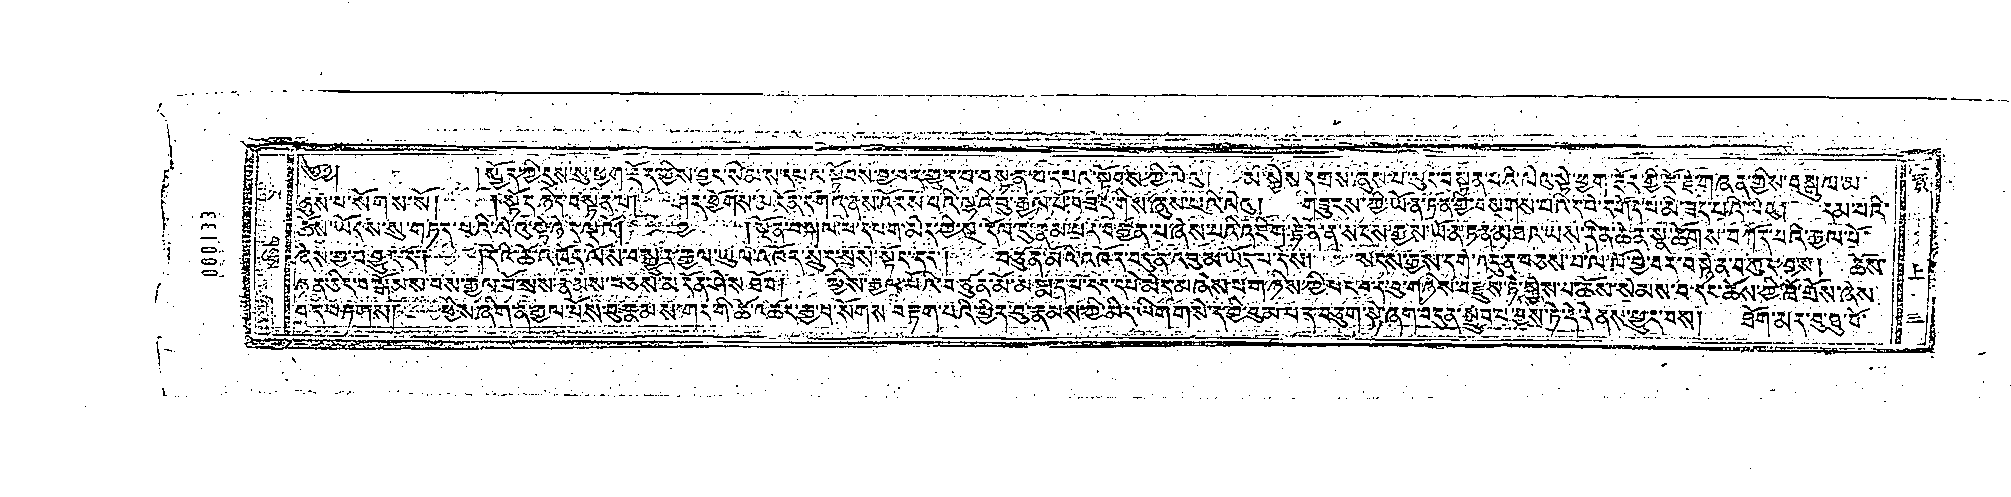༄༅། །སྤྱོད་ཀྱི་དུས་སུ་ཕྱག་རྡོར་གྱིས་བྱང་སེམས་དཔའ་སྟོབས་བྱ་བར་གྱུར་པ་བསྟན་པ་དཔའ་སྟོབས་ཀྱི་ལེའུ། མ་སྐྱེས་དགྲས་ཞུས་པ་ལུང་བསྟན་པའི་ལེའུ་སྟེ་ཕྱག་རྡོར་གྱི་རྡོ་རྗེ་གཞན་གྱིས་བསྒུལ་མ་
ནུས་པ་སོགས་སོ། །སྟོད་ཉིད་བསྟན་པ། ཤར་ཕྱོགས་མངོན་དགའ་ནས་འོངས་པའི་ལྷའི་བུ་རྒྱལ་པོ་བཟང་གིས་ཞུས་པའི་ལེའུ། གཟུངས་ཀྱི་ཡོན་ཏན་གྱི་བསྔགས་པའི་དཔེ་དགོད་པ་མི་ཟད་པའི་ལེའུ། དམ་པའི་
ཆོས་ཡོངས་སུ་གཏང་པའི་ལེའུ་སྟེ་ཉེར་ལྔའོ། ༧་།སྔོན་བསྐལ་པ་དཔག་མེད་ཀྱི་སྔ་རོལ་དུ་རྣམ་པར་བརྒྱན་པ་ཞེས་པའི་འཇིག་རྟེན་ན་སངས་རྒྱས་ཡོན་ཏན་མཐའ་ཡས་རིན་ཆེན་སྣ་ཚོགས་བཀོད་པའི་རྒྱལ་པོ་
ཞེས་བྱ་བ་བྱུང་ངོ། །དེའི་ཚེ་འཁོར་ལོས་བསྒྱུར་རྒྱལ་ཡུལ་འཁོར་སྲུང་སྲས་སྟོང་དང་། བཙུན་མོའི་འཁོར་བདུན་འབུམ་ཡོད་པ་དེས། སངས་རྒྱས་དགེ་འདུན་བཅས་པ་ལ་ལོ་བྱེ་བར་བསྙེན་བཀུར་བྱས། ཆོས་
ཉན་ཅིང་བསྒོམས་པས་རྒྱལ་པོ་སྲས་རྣམས་བཅས་མངོན་ཤེས་ཐོབ། ཕྱིས་རྒྱལ་པོའི་བཙུན་མོ་མ་སྨད་པ་དང་དཔེ་མེད་མ་ཞེས་པ་གཉིས་ཀྱི་པང་བར་བུ་གཉིས་བརྫུས་ཏེ་སྐྱེས་པ་ཆོས་སེམས་པ་དང་ཆོས་ཀྱི་བློ་གྲོས་ཞེས་
བར་བཏགས། ཕྱིས་ཞིག་ན་རྒྱལ་པོས་བུ་རྣམས་གང་གི་ཆོ་འཚང་རྒྱ་བ་སོགས་བརྟག་པའི་ཕྱིར་བུ་རྣམས་ཀྱི་མིད་ཡིག་གསེར་གྱི་བུམ་པར་བཅུག་སྟེ་ཞག་བདུན་སྒྲུབ་པ་བྱས་ཏེ་རེ་རེ་ནས་ཕྱུད་བས། ཐོག་མར་བུ་ཐུ་བོ་